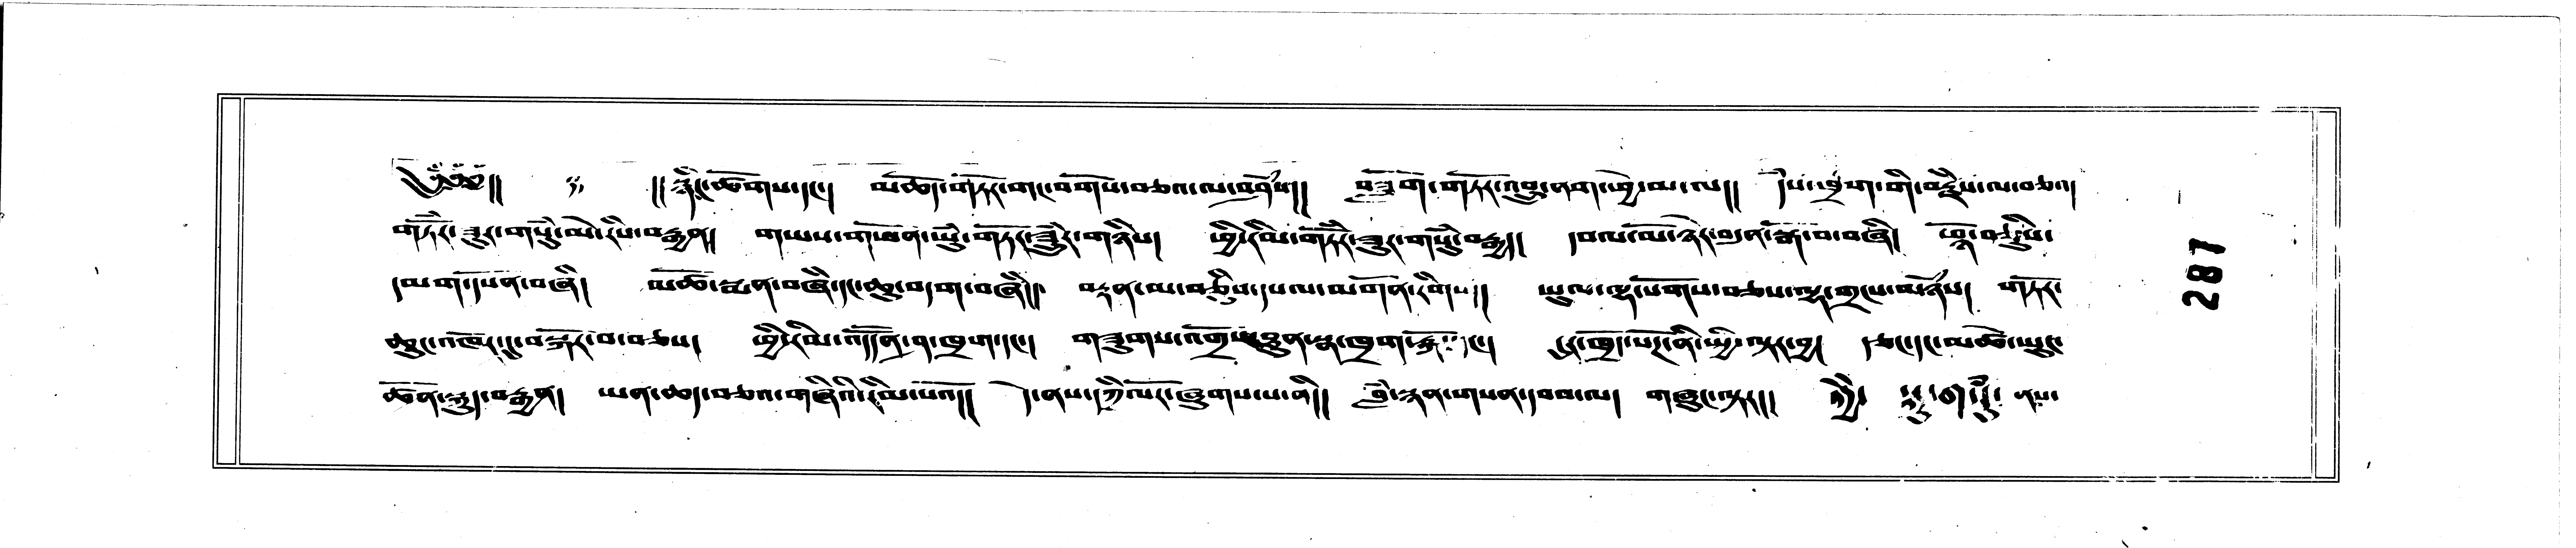སྙིང་ཚོགས་དང་། མཆོད་གཏོར་གང་དགོས་བཅའ་ལ་བཤམས། བཟློག་གཏོར་འབྲུ་ནག་ཕྱེ་མ་ལ། དམ་རྫས་ཁྲག་གིས་བརྫིས་ལ་བཅའ། 
གཏོར་མ་ཟུར་གསུམ་མེ་རིས་བརྒྱན། གཡས་གཡོན་ཡུམ་གཏོར་ཟུར་གསུམ་གཉིས། ཕྱི་རིམ་གཏོར་མ་ཟུར་གསུམ་བརྒྱད། དབལ་མོ་ཉེར་བདུན་སྒོ་བ་བཞི། ཕོ་ཉ་བཅུ་གཉིས་
དམག་དཔོན་བཞི། མཚོ་སྨན་ཆུ་བཞི་ཆུ་བདག་བཞི། བརྟན་མ་བཅུ་གཉིས་དཔལ་མགོན་རིགས། ཡུལ་ལྷ་སོགས་བཅས་ལྷ་གྲངས་མཉམ། གཏོར་
ཆུང་འཁོར་དུ་བསྐོར་བ་བཅས། ཕྱི་རིམ་འདོད་ཡོན་ཤ་ཁྲག་དང་། གཟུགས་ཐུན་སྣ་ཁྲག་རྐོང་དང་། དུར་ཁྲོད་སོགས་ནི་སྤྱི་ལྟར་བྱ། རྩང་དང་མཚེ་ཡུང་
ཚོན་སྐུད་བརྒྱན། ཡན་ཆད་བཅའ་གཞིའི་རིམ་པའོ། དེ་ནས་དཀྱིལ་འཁོར་ཞུགས་པ་ནི། བླ་མ་སྙན་གསན་དབབ་ལ། གཞུང་ལྟར། ཀྱེ་སྐུ་གསུམ། ནས།